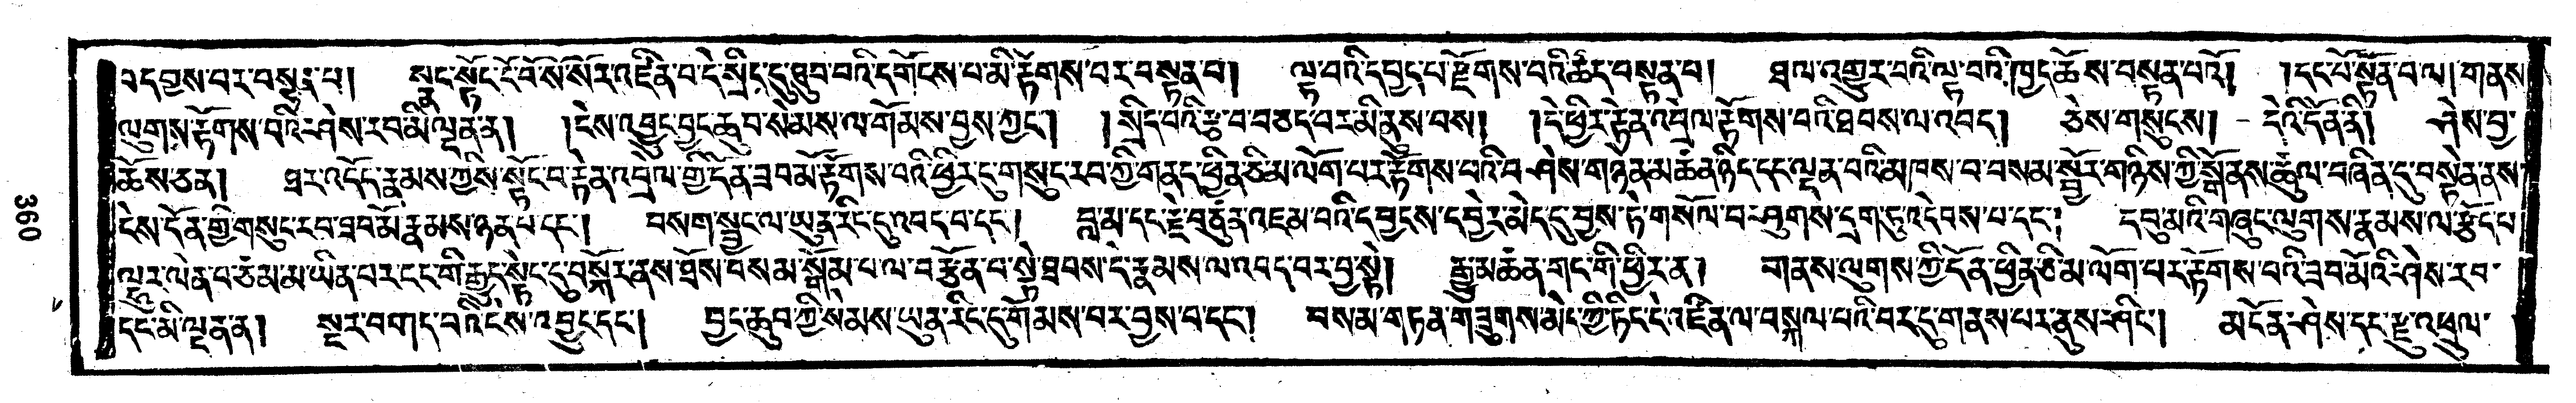བད་བྱས་བར་བསྟན་པ། སྣང་སྟོང་ངོ་བོ་སོ་སོར་འཛིན་པ་དེ་སྲིད་དུ་ཐུབ་བའི་དགོངས་པ་མི་རྟོགས་པར་བསྟན་པ། ལྟ་བའི་དཔྱད་པ་རྫོགས་བའི་ཚད་བསྟན་པ། ཐལ་འགྱུར་བའི་ལྟ་བའི་ཁྱད་ཆོས་བསྟན་པའོ། །དང་པོ་སྟོན་བ་ལ། གནས་
ལུགས་རྟོགས་པའི་ཤེས་རབ་མི་ལྡན་ན། །ངེས་འབྱུང་བྱང་ཆུབ་སེམས་ལ་གོམས་བྱས་ཀྱང་། སྲིད་པའི་རྩབ་བཅད་བར་མི་ནུས་བས། །དེ་ཕྱིར་རྟེན་འབྲེལ་རྟོགས་བའི་ཐབས་ལ་འབད། ཅེས་གསུངས། དེའི་དོན་ནི། ཤེས་བྱ་
ཆོས་ཅན། ཐར་འདོད་རྣམས་ཀྱིས་སྟོང་བ་རྟེན་འབྲེལ་གྱི་དོན་ཟབ་མོ་རྟོགས་བའི་ཕྱིར་དུ་གསུང་རབ་ཀྱི་གནད་ཕྱིན་ཅི་མ་ལོག་པར་རྟོགས་པའི་བཤེས་གཉེན་མཚན་ཉིད་དང་ལྡན་བའི་མཁས་བ་བསམ་སྦྱོར་གཉིས་ཀྱི་སྒོ་ནས་ཚུལ་བཞིན་དུ་བསྟེན་ནས་
ངེས་དོན་གྱི་གསུང་རབ་ཐབ་མོ་རྣམས་ཉན་པ་དང་། བསག་སྦྱང་ལ་ཡུན་རིང་དུ་འབད་བ་དང་། བླ་མ་དང་རྗེ་བཙུན་འཇམ་བའི་དབྱངས་དབྱེར་མེད་དུ་བྱས་ཏེ་གསོལ་བ་ཤུགས་དྲག་ཏུ་འདེབས་པ་དང་། དབུ་མའི་གཞུང་ལུགས་རྣམས་ལ་རྩོད་པ་
ལྷུར་ལེན་བ་ཙམ་མ་ཡིན་པར་ངག་གི་རྒྱུད་སྟེང་དུ་བསྐོར་ནས་ཐོས་བསམ་སྒོམ་པ་ལ་བརྩོན་པ་སྟེ་ཐབས་དེ་རྣམས་ལ་འབད་བར་བྱ་སྟེ། རྒྱུ་མཚན་གང་གི་ཕྱིར་ན། གནས་ལུགས་ཀྱི་དོན་ཕྱིན་ཅི་མ་ལོག་པར་རྟོགས་བའི་ཟབ་མོའི་ཤེས་རབ་
དང་མི་ལྡན་ན། སྔར་བགད་བའི་ངེས་འབྱུང་དང་། བྱང་ཆུབ་ཀྱི་སེམས་ཡུན་རིང་དུ་གོམས་བར་བྱས་པ་དང་། བསམ་གཏན་གཟུགས་མེད་ཀྱི་ཏིང་ངེ་འཛིན་ལ་བསྐལ་བའི་བར་དུ་གནས་པར་ནུས་ཤིང་། མངོན་ཤེས་དང་རྫུ་འཕྲུལ་